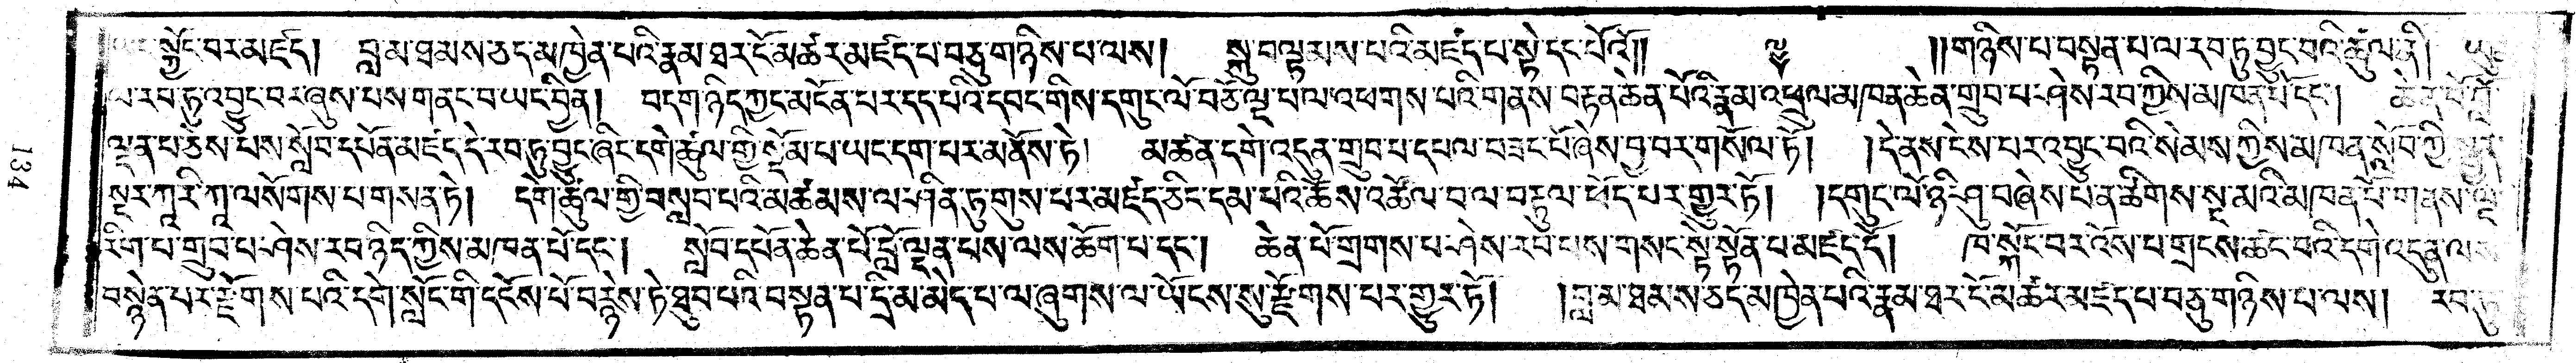ཡང་སྐྱོང་བར་མཛད། བླ་མ་ཐམས་ཅད་མཁྱེན་པའི་རྣམ་ཐར་ངོ་མཚར་མཛད་པ་བཅུ་གཉིས་པ་ལས། སྐུ་བལྟམས་པའི་མཛད་པ་སྟེ་དང་པོའོ།། ༈ །།གཉིས་པ་བསྟན་པ་ལ་རབ་ཏུ་བྱུང་བའི་ཚུལ་ནི། ཡུམ་
ལ་རབ་ཏུ་འབྱུང་བར་ཞུས་པས་གནང་བ་ཡང་བྱིན། བདག་ཉིད་ཀྱང་མངོན་པར་དད་པའི་དབང་གིས་དགུང་ལོ་བཅོ་ལྔ་པ་ལ་འཕགས་པའི་གནས་བརྟན་ཆེན་པོའི་རྣམ་འཕྲུལ་མཁན་ཆེན་གྲུབ་པ་ཤེས་རབ་ཀྱིས་མཁན་པོ་དང་། ཆེན་པོ་བློ་
ལྡན་པ་ཅེས་པས་སློབ་དཔོན་མཛད་དེ་རབ་ཏུ་བྱུང་ཞིང་དགེ་ཚུལ་གྱི་སྡོམ་པ་ཡང་དག་པར་མནོས་ཏེ། མཚན་དགེ་འདུན་གྲུབ་པ་དཔལ་བཟང་པོ་ཞེས་བྱ་བར་གསོལ་ཏོ། །དེ་ནས་ངེས་པར་འབྱུང་བའི་སེམས་ཀྱིས་མཁན་སློབ་ཀྱི་སྦྱན་
སྔར་ཀཱ་རི་ཀཱ་ལ་སོགས་པ་གསན་ཏེ། དགེ་ཚུལ་གྱི་བསླབ་པའི་མཚམས་ལ་ཤིན་ཏུ་གུས་པར་མཛད་ཅིང་དམ་པའི་ཆོས་འཚོལ་བ་ལ་བརྟུལ་ཕོད་པར་གྱུར་ཏོ། །དགུང་ལོ་ཉི་ཤུ་བཞེས་པ་ན་ཚིགས་སྔ་མའི་མཁན་པོ་གནས་ལྔ་
རིག་པ་གྲུབ་པ་ཤེས་རབ་ཉིད་ཀྱིས་མཁན་པོ་དང་། སློབ་དཔོན་ཆེན་པོ་བློ་ལྡན་པས་ལས་ཆོག་པ་དང་། ཆེན་པོ་གྲགས་པ་ཤེས་རབ་པས་གསང་སྟེ་སྟོན་པ་མཛད་དོ། ཁ་སྐོང་བར་འོས་པ་གྲངས་ཚང་བའི་དགེ་འདུན་ལས་
བསྙེན་པར་རྫོགས་པའི་དགེ་སློང་གི་དངོས་པོ་བརྙེས་ཏེ་ཐུབ་པའི་བསྟན་པ་དྲི་མ་མེད་པ་ལ་ཞུགས་ལ་ཡོངས་སུ་རྫོགས་པར་གྱུར་ཏོ། །བླ་མ་ཐམས་ཅད་མཁྱེན་པའི་རྣམ་ཐར་ངོ་མཚར་མཛད་པ་བཅུ་གཉིས་པ་ལས། རབ་ཏུ་